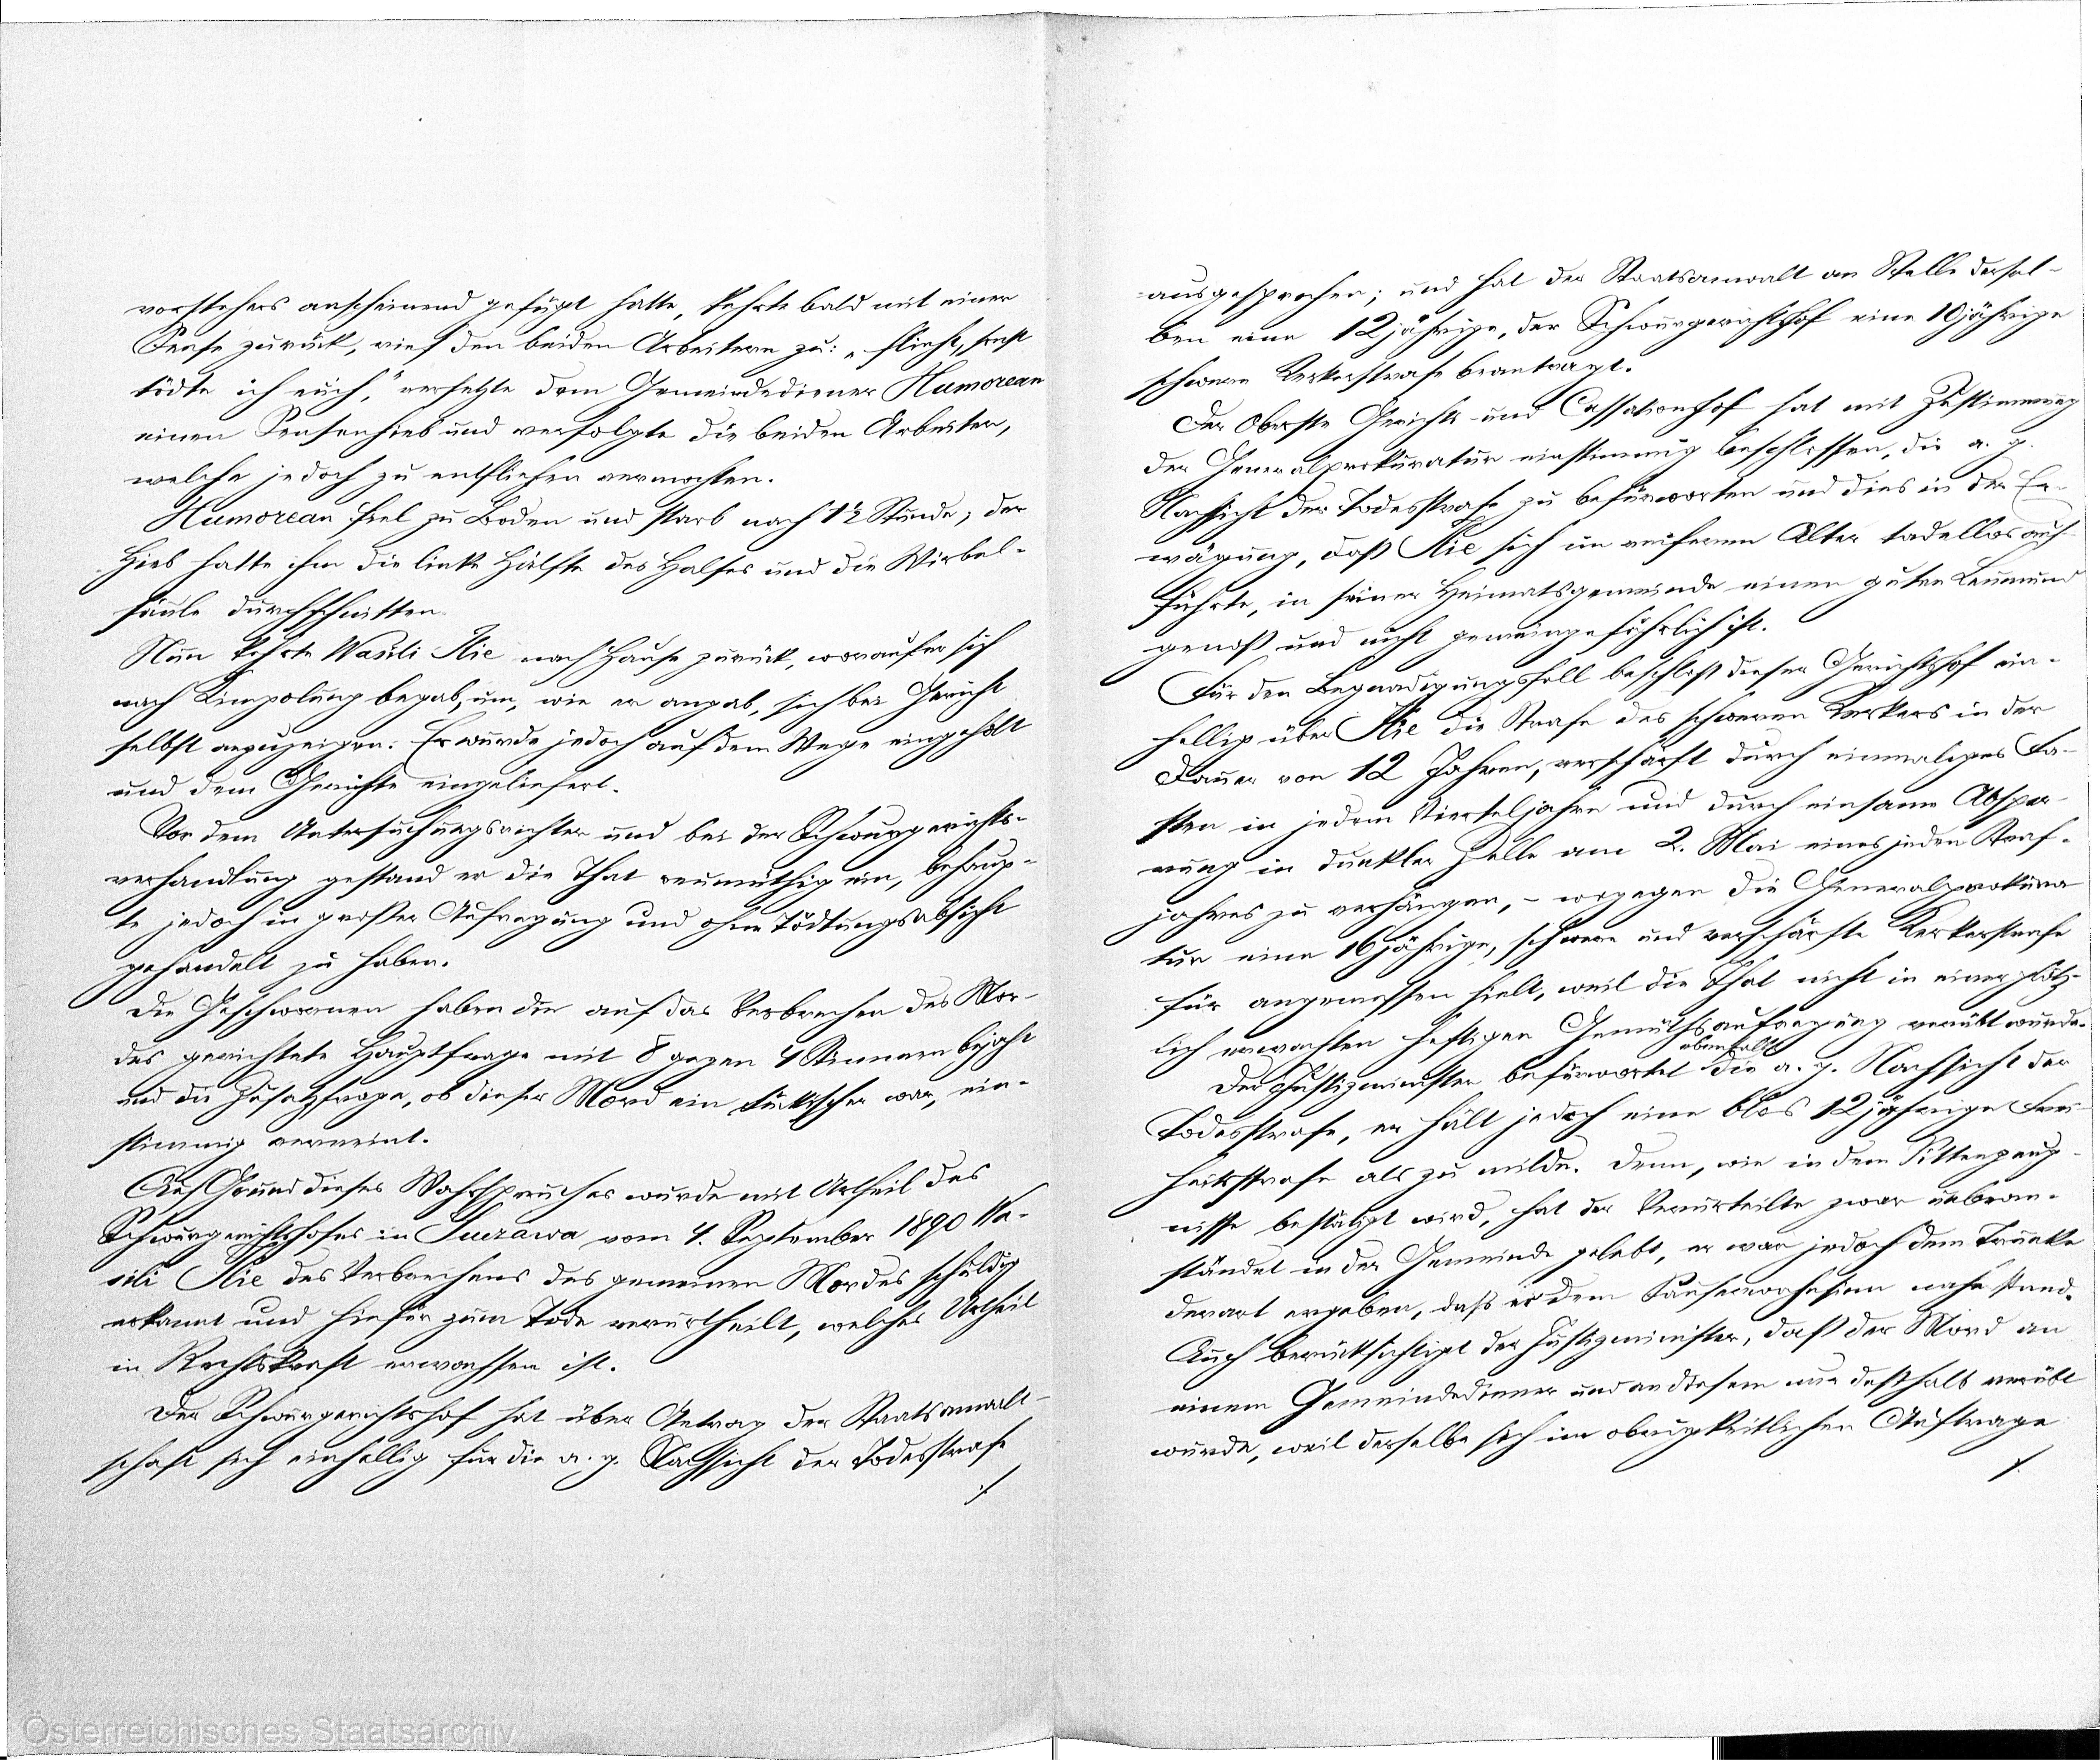vorstehers anscheinend gefugt hatte, kehrte bald mit einer
Sense zurück, rief den beiden Arbeitern zu: „flieht, sonst
tödte ich auch“, versetzte dem Gemeindediener Humorean
einen Sensenhieb und verfolgte die beiden Arbeiten,
welche jedoch zu entfliehen vermochten.
Humorean Fiel zu Boden und starb nach 1 1/2 Stunde; der
Hieb hatte ihm die linke Hälfte des Halfes und die Wirbel¬
säule durchschnitten.
Nun kehrte Wasili Kie nach Hause zurück, woraufer sich
nach Kimpolung begab, um, wie er angab, sich bei Gericht
selbst anzuzeigen. Er wurde jedoch auf dem Wege eingeholt
und dem Gerichte eingeliefert.
Vor dem Untersuchungsrichter und bei der Schwurgerichts¬
verhandlung gestand er die That reumüthig ein, behaup¬
te jedoch in großer Aufregung und ohne Tödtungsabsicht
gehandelt zu haben.
Die Geschwornen haben die auf das Verbrechen des Mor¬
des gerichtete Hauptfrage mit 8 gegen 4 Stimmen bejaht
und die Zusatzfrage, ob dieser Mord ein tückischer war, ein¬
stimmig verneint.
Auf Grund dieses Wahrspruches wurde mit Urtheil das
Schwurgerichtshofes in Suczawa vom 4. September 1890 Wa¬
sili Jlie des Verbrechens des gemeinen Mordes schuldig
erkannt und hiefür zum Tode verurtheilt, welches Urtheil
in Rechtskraft erwachsen ist.
Der Schwurgerichtshof hat über Antrag der Staatsanwalt¬
schaft sich einhellig für die a. g. Sachsicht der Todesstrafe
ausgesprochen; und hat der Staatsanwalt an Stelle dersel¬
ben eine 12jährige, der Schwurgerichthof eine 10jährige
schwere Kerkerstrafe beantragt.
Der Oberste Gerichts- und Cassationshof hat mit Zustimmung
der Generalprokuratur einstimmig beschlossen, die a. g.
Nachsicht der Todesstrafe zu befürworten und dies in der Er¬
wägung, daß Jlie sich im reiferen Alter tadellos auf¬
führte, in seiner Heimatsgemeinde einen guten Leunxx
genoß und nicht gemeingefährlich ist.
Für den Begnadigungsfell beschloß dieser Gerichtshof ein¬
hellig über Jlie die Strafe des schweren Kerkers in der
Dauer von 12 Jahren, verschärft durch einmaliges Fa¬
sten in jedem Vierteljahre und durch einsame Absper¬
rung in Dunkler Zelle am 2. Mai eines jeden Straf¬
jahres zu verhängen, - wegegen die Generalprokura¬
tur eine 16jährige, schwere und verschärfte Kerkerstrafe
für angemessen hielt, weil die That nicht in einer plötz¬
lich erwachten heftigen Gemüthsaufregung verübt wurde.
ebenfalls
Der Justizminister befürwortet die a. g. Nachsicht der
Todesstrafe, er hält jedoch eine blos 12jährige Frei¬
heitsstrafe als zu wilde. Denn, wie in dem Sittenzeug¬
nisse bestätigt wird, hat der Verurteilte zwar unbean¬
ständet in der Gemeinde gelebt, er war jedoch dem Trunke
derart ergeben, daß er dem Sausexx nahe stand.
Auch berücksichtigt der Justizminister, daß der Mord an
einem Gemeindedinner und an diesem und deßhalb verübt
wurde, weil derselbe sich im obrigkeitlichen Auftrage